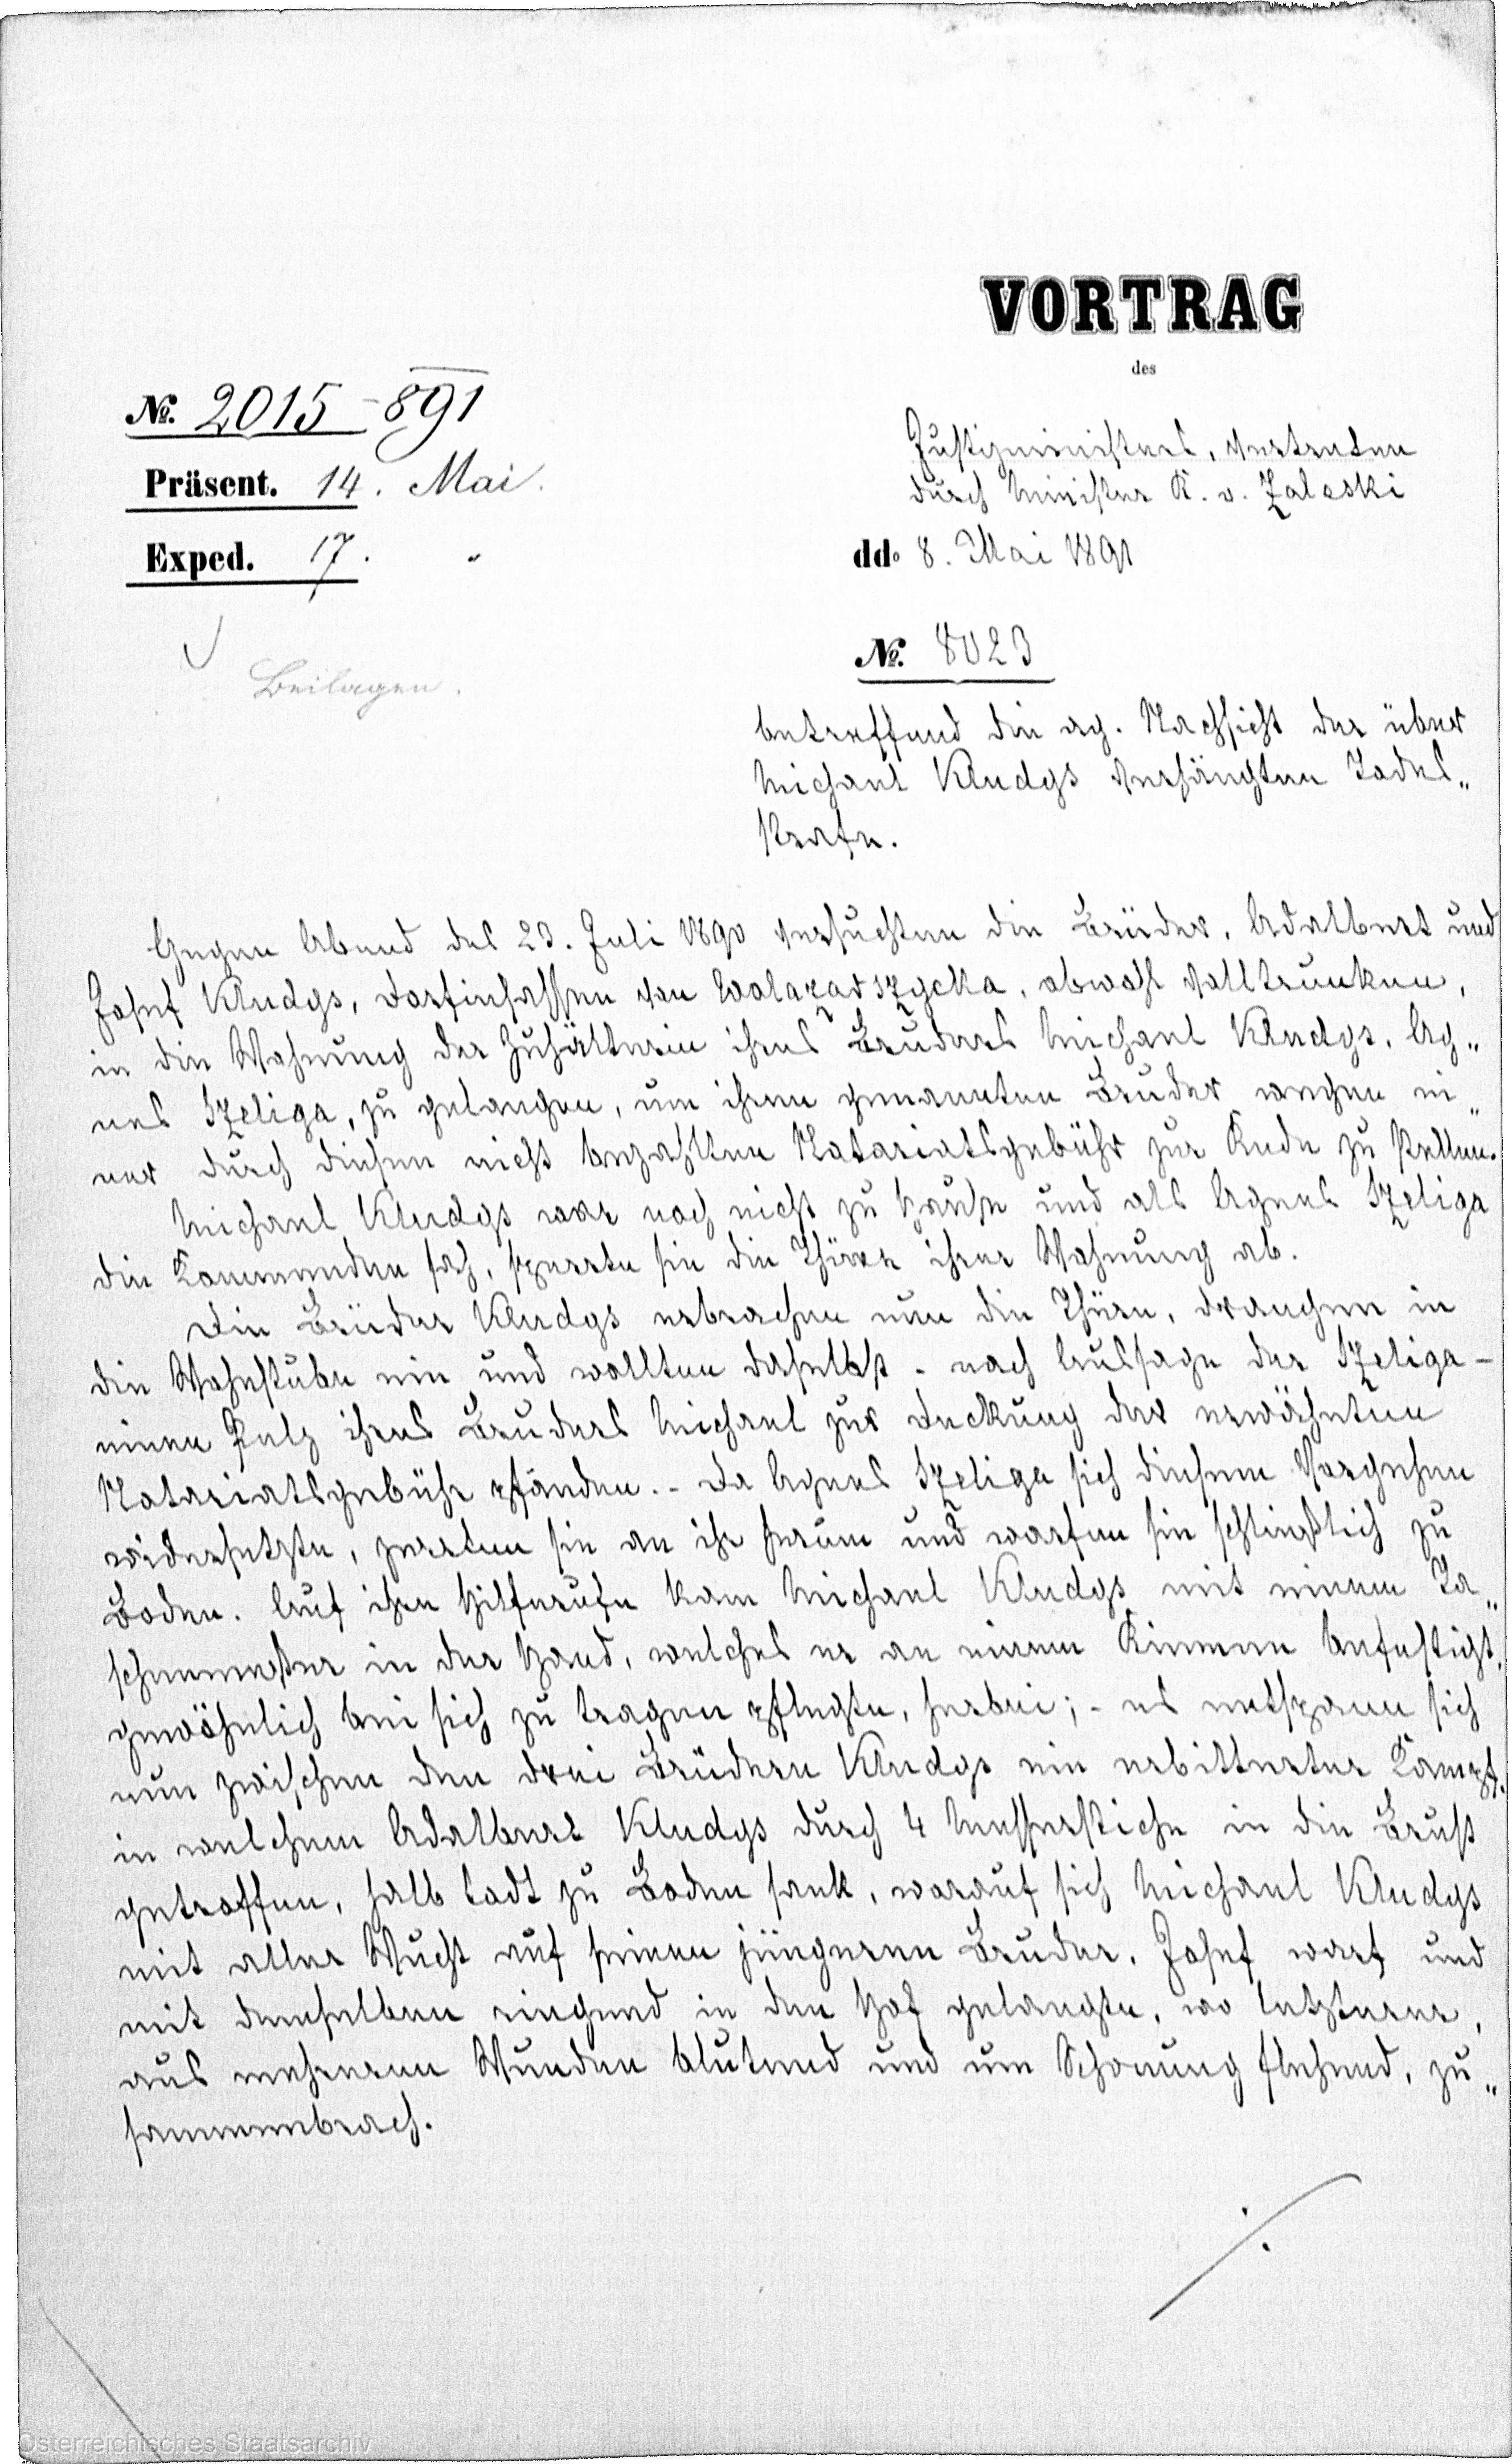No 2015– 1891
Präsent. – 14. Mai
Exped. – 17. „
Beilagen
VORTRAG
des
Justizministers, vertreten
durch Minister R. von Zaleski
Ddo 8. Mai 1891
No. 8023
betreffend die ag. Nachsicht der über
Michael Kludys verhängten Todes¬
strafe.
Gegen Abend des 23. Juli 1890 versuchten die Brüder, Adalbert und
Josef Kludys Dorfinsassen von Walazadszycka, obwohl volltrunken,
in die Wohnung der Zuhälterin ihres Bruders Michael Kludys, Ag¬
nes Szeliga, zu gelangen, um ihren genannten Bruder wegen ei¬
ner durch diesen nicht bezahlten Notariatsgebühr zur Rede zu stellen.
Michael Kludys war noch nicht zu Hause und als Agnes Szeliga
die kommenden sah, sperrte sie die Thüre ihrer Wohnung ab.
Die Brüder Kludys erbrachen nun die Thüre, drangen in
die Wohnstube ein und wollten daselbst – nach Aussage der Szeliga –
einen Pelz ihres Bruders Michael zur Deckung der erwähnten
Notariatsgebühr pfänden. Da Agnes Szeliga sich diesem Vorgehen
widersetzte, zerrten sie an ihr herum und warfen sie schließlich zu
Boden. Auf ihre Hilferufe kam Michael Kludys mit einem Ta¬
schenmesser in er Hand, welches er an einem Riemen befestigt,
gewöhnlich bei sich zu tragen pflegte, herbei; – es entspann sich
nun zwischen den drei Brüder Kundys ein erbitterter Kampf
in welchem Adalbert Kludys durch 4 Messerstiche in die Brust
getroffen, halb todt zu Boden sank, worauf sich Michael Kludys
mit aller Wucht auf seinen jüngeren Bruder, Josef warf und
mit demselben ringend in den Hof belangte, wo letzterer,
aus mehreren Wunden blutend und um Schonung flehend, zu¬
sammenbrach.